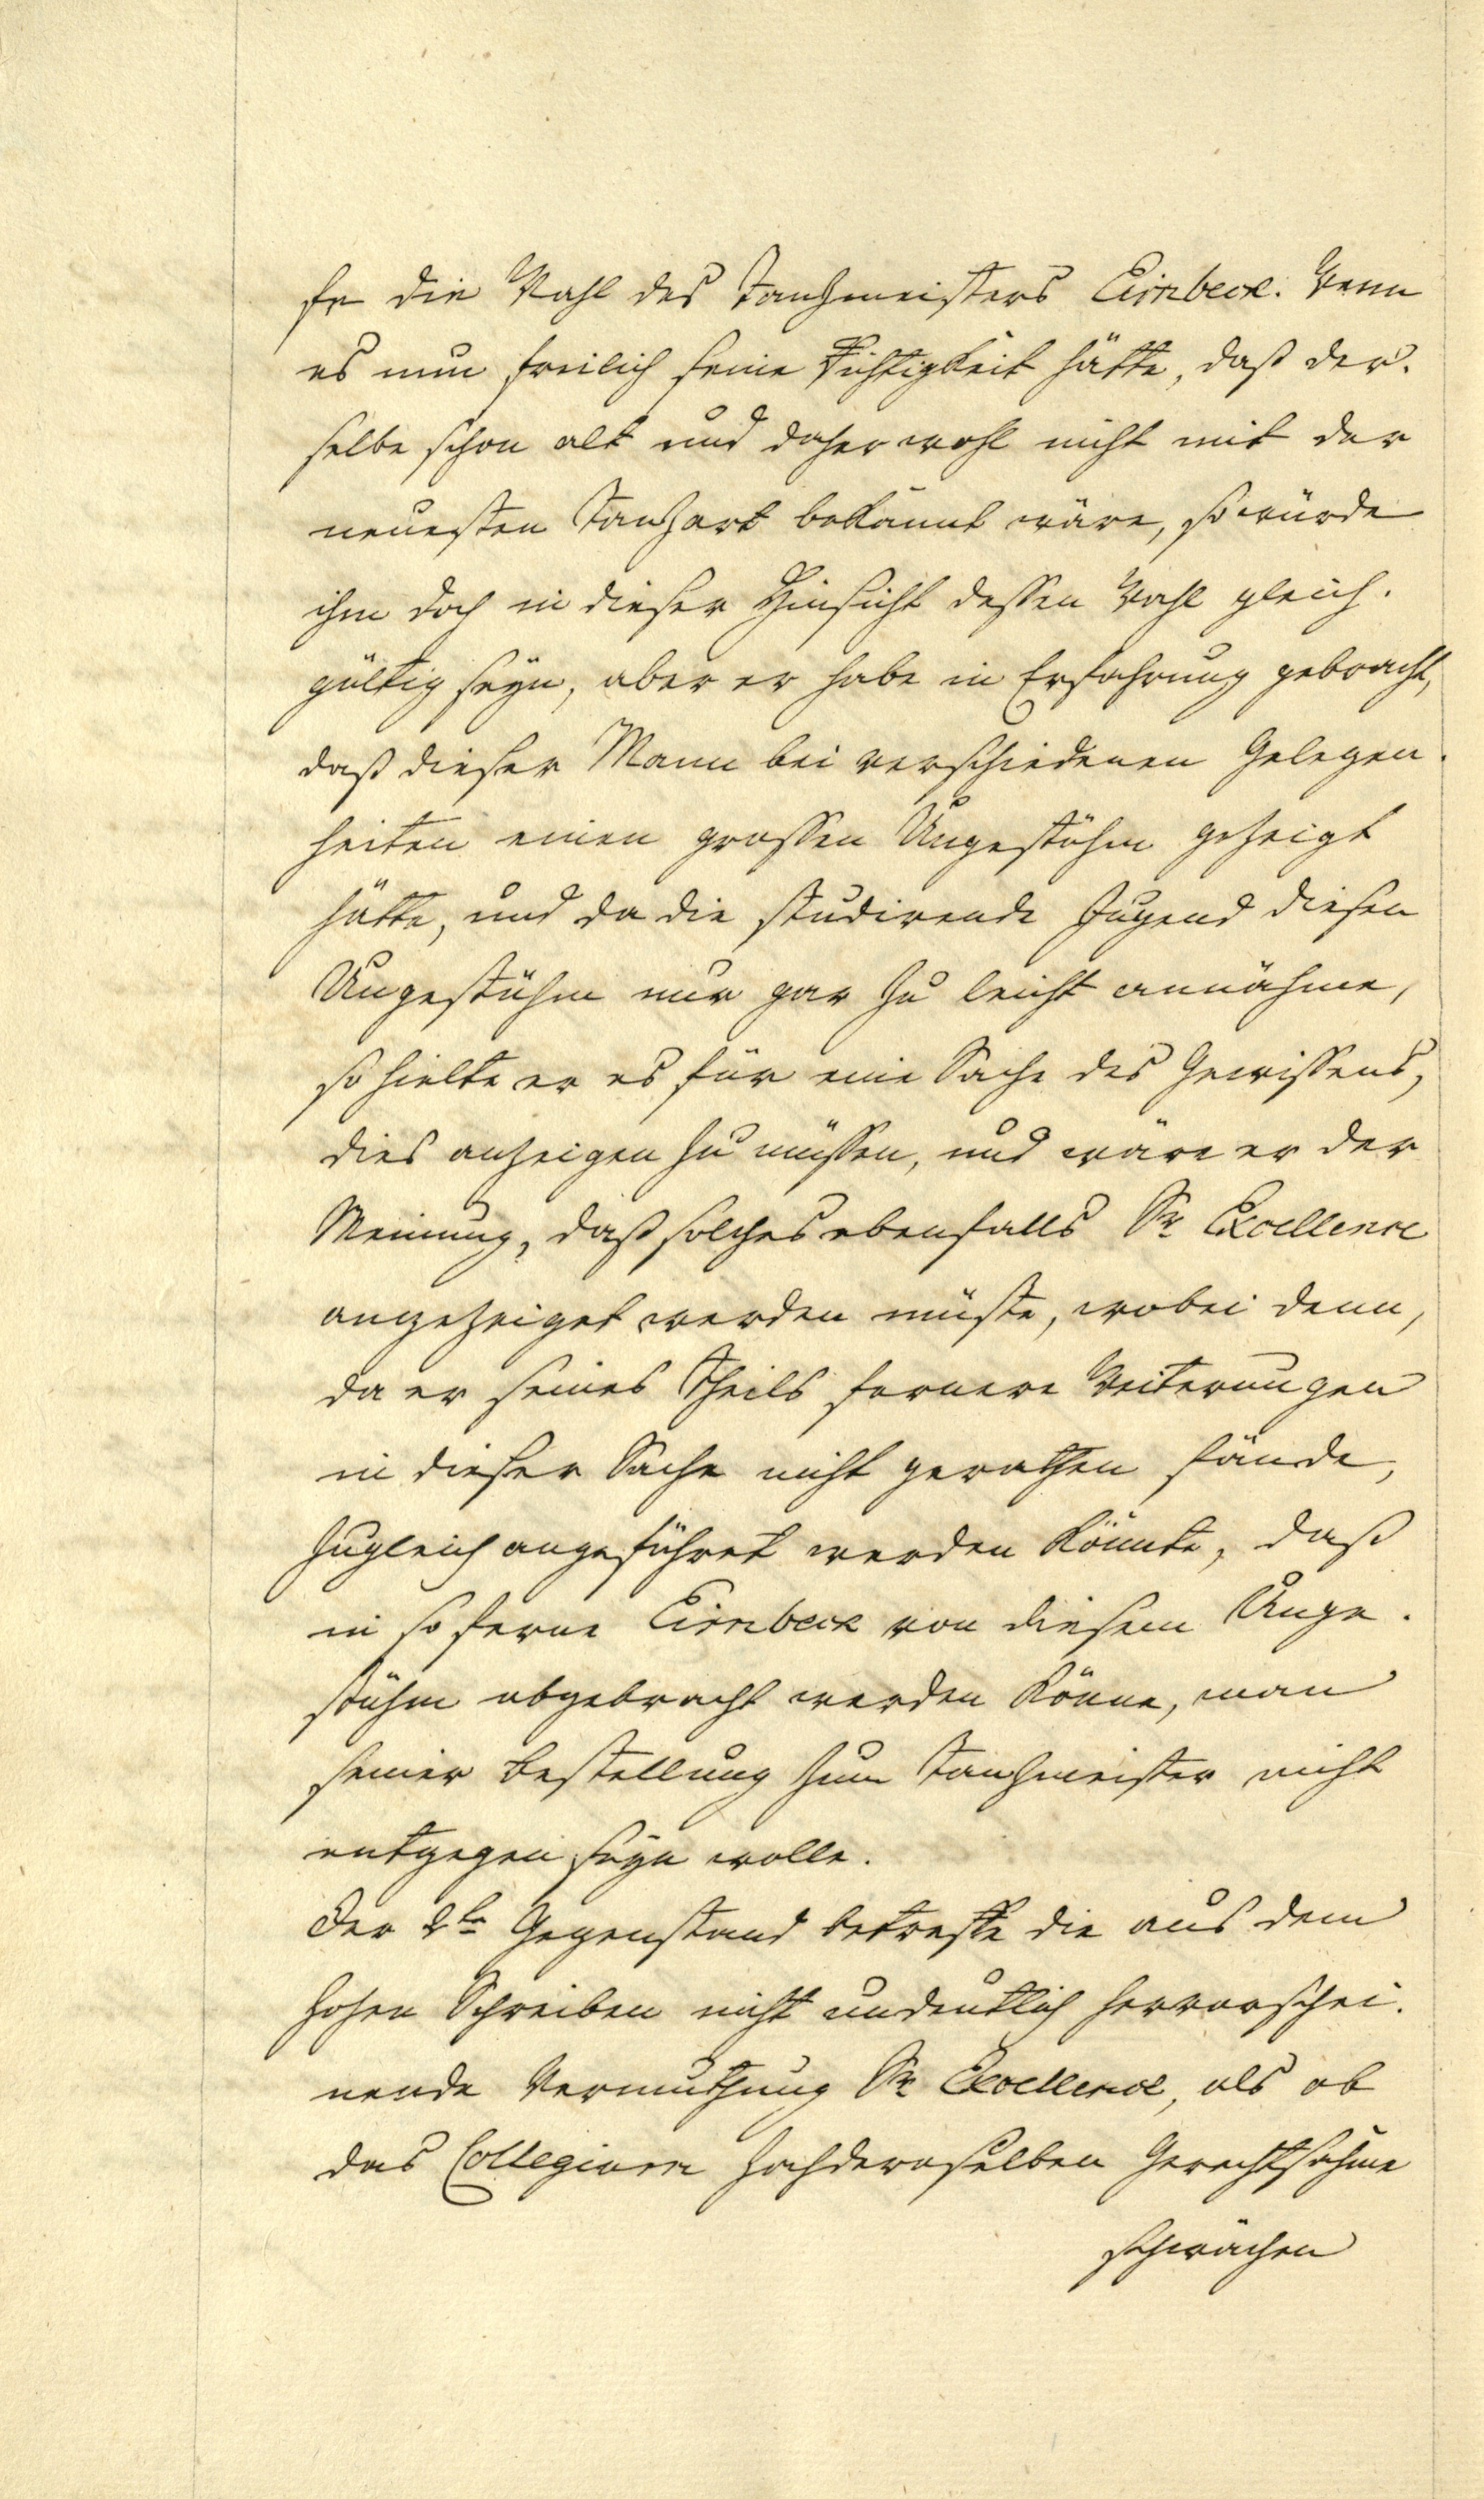fe die Wahl des Tanzmeisters Eimbeck. Wenn
es nun freilich seine Richtigkeit hätte, daß der¬
selbe schon alt und daher wohl nicht mit der
neuesten Tanzart bekannt wäre, so würde
ihm doch in dieser Hinsicht dessen Wahl gleich¬
gültig seÿn, aber er habe in Erfahrung gebracht,
daß dieser Mann bei verschiedenen Gelegen¬
heiten einen grossen Ungestühm gezeigt
hätte und da die studirende Jugend diesen
Ungestühm nur gar zu leicht amnähme,
so hielte er es für eine Sache des Gewissens,
dies anzeigen zu müssen, und wäre er der
Meinung, daß solches ebenfalls Sr Excellence
angezeiget werden müßte, wobei denn,
da er seines Theils fernere Weiterungen
in dieser Sache nicht gerathen fände,
zugleich angeführet werden könnte, daß
in so ferne Eimbeck von diesem Unge¬
stühm abgebracht werden könne, man
seiner Bestellung zum Tanzmeister nicht
entgegen seÿn wolle.
Der 2 te Gegenstand betreffe die aus dem
hohen Schreiben nicht undeutlich hervorschei¬
nende Vermuthung Sr. Excellence, als ob
das Collegium Hochderoselben Gerechtsahme
schwächen